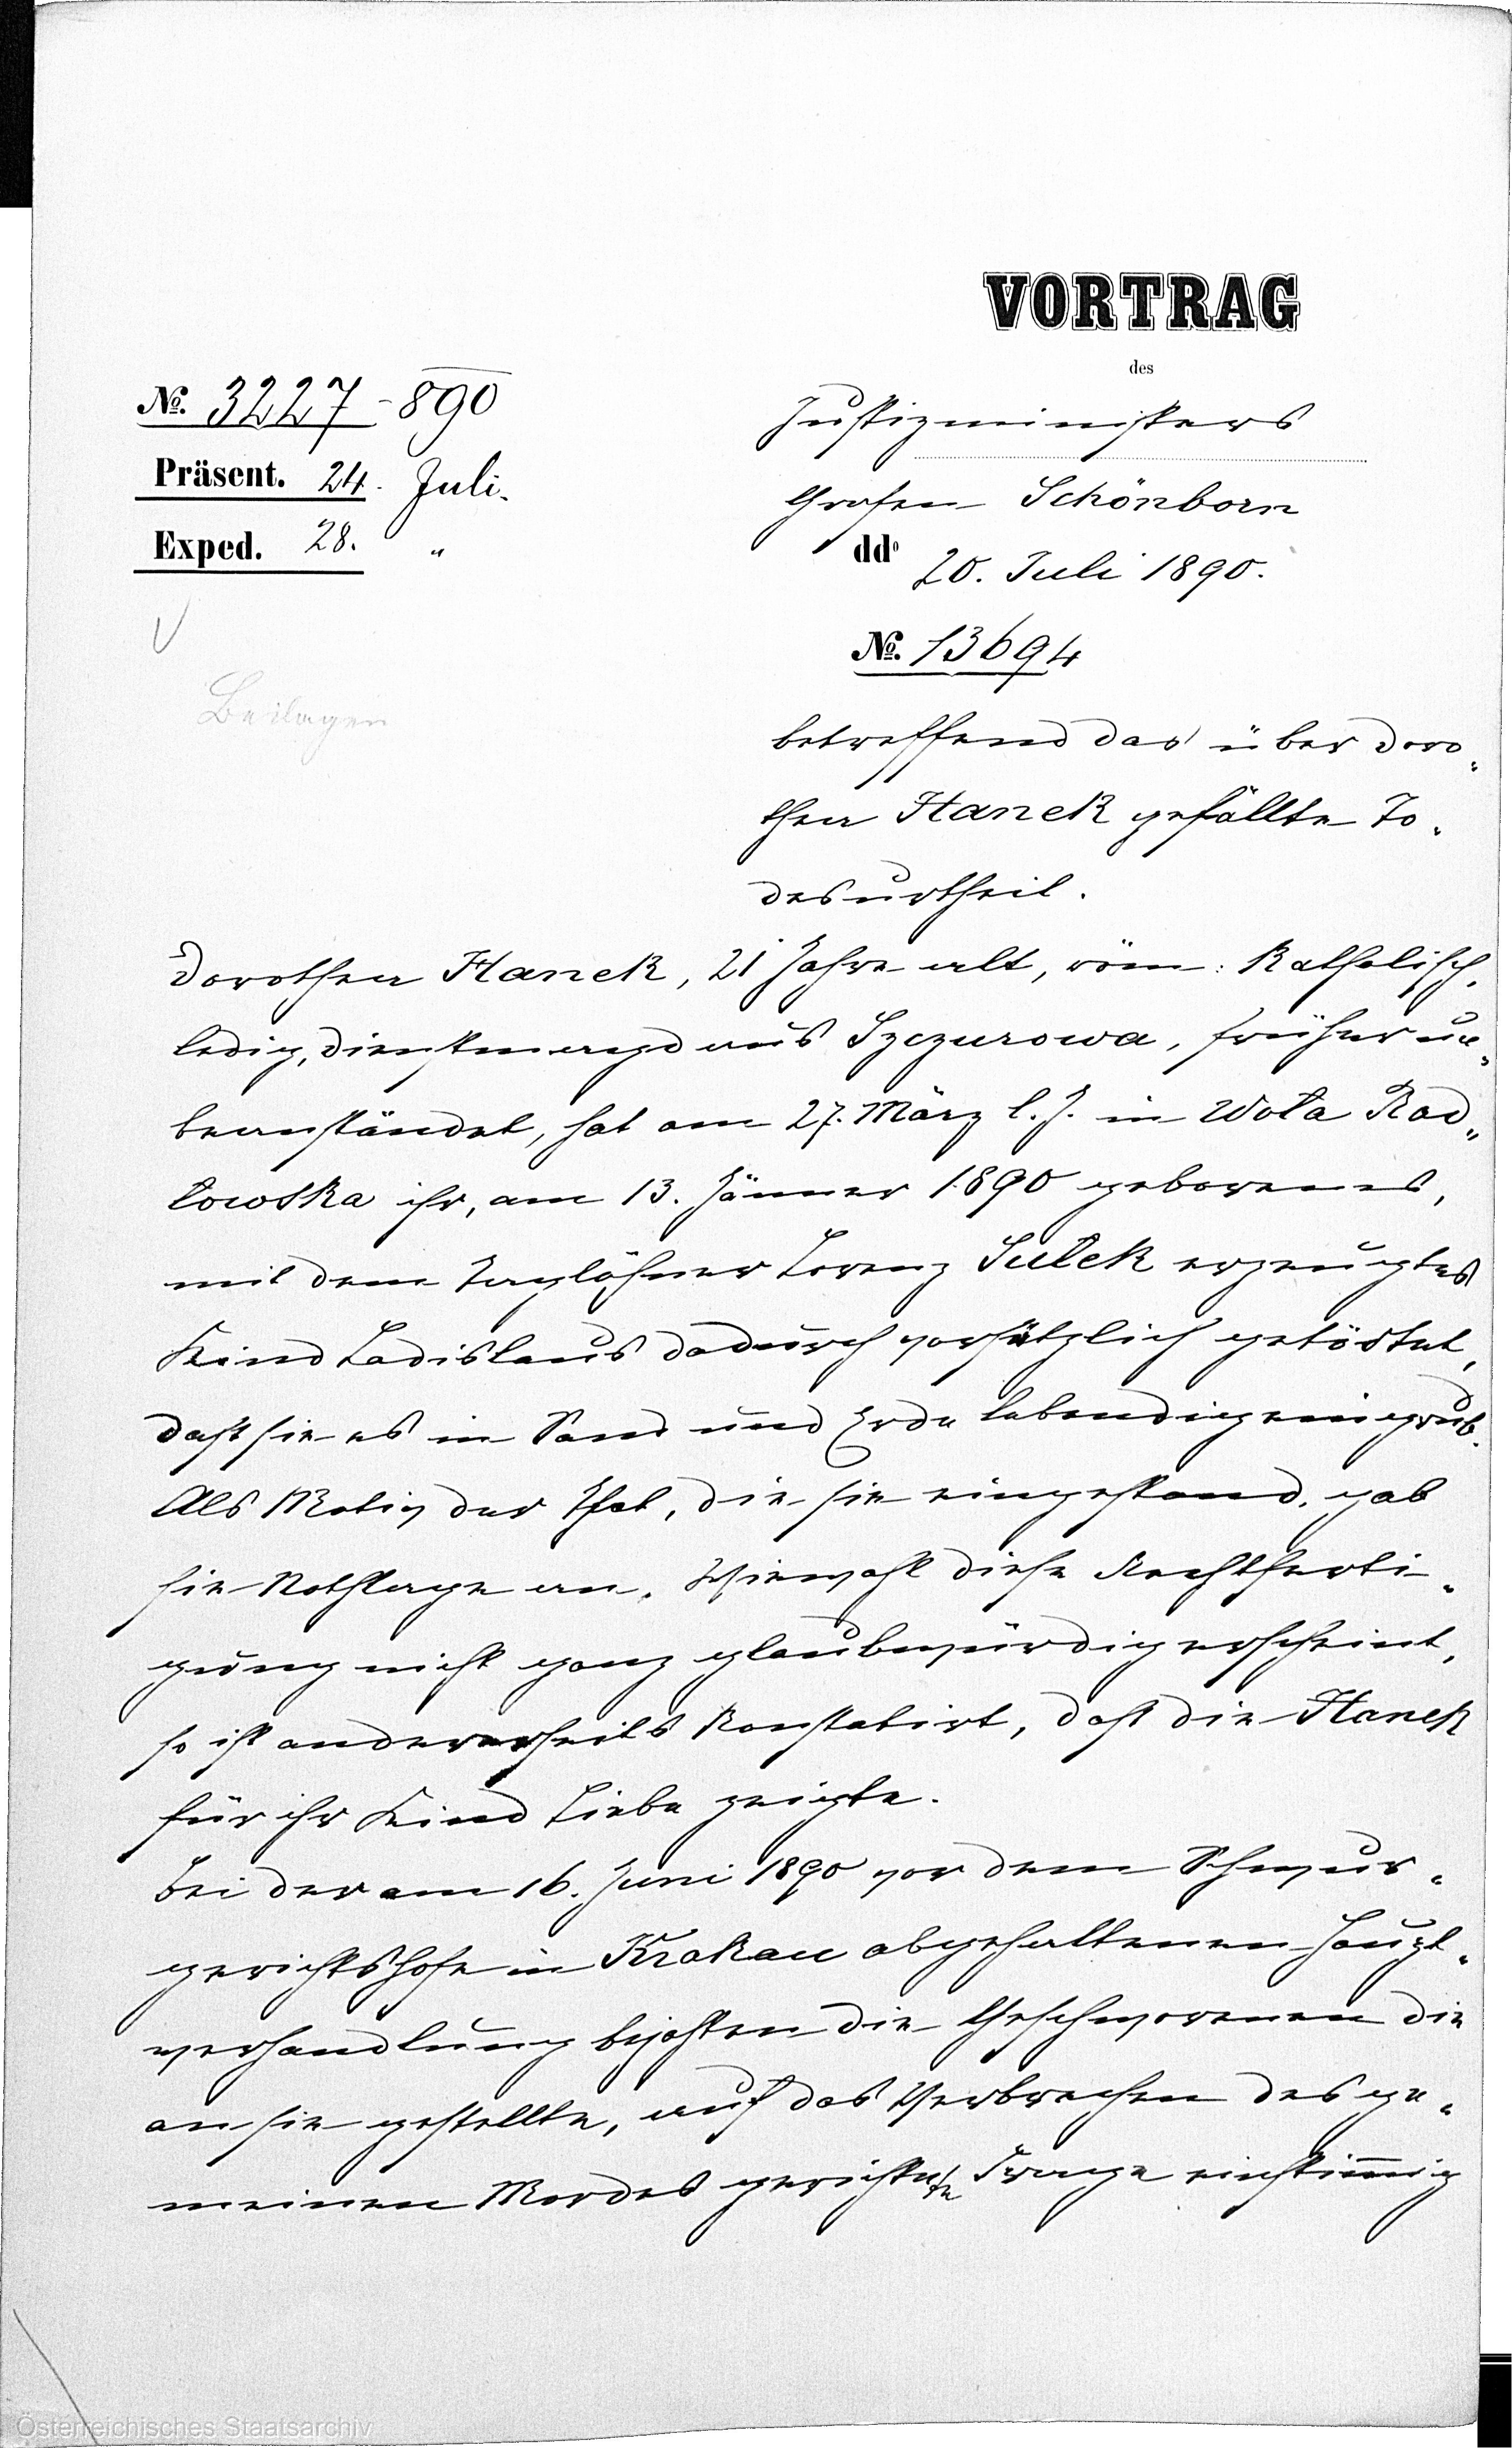VORTRAG
des
Justizministers
Grafen Schöborn
dd° 20. Juli 1890.
N° 13694
betreffend das über Doro¬
thea Hanek gefällte To¬
desurtheil.
Dorothea Hanek, 21 Jahre alt, röm. katholisch,
ledig, Dienstmagd aus Szczurowa, früher un¬
beanständet, hat am 27. März l.J. in Woła Rod¬
łowska ihr, am 13. Jänner 1890 geborenes,
mit dem Taglöhner Lorenz Sułek erzeugtes
Kind Ladislaus dadurch vorsätzlich getödtet,
daß sie es in Sand und Erde lebendig eingrub.
Als Motiv der That, die sie eingestand, gab
sie Nothlage an. Wiewohl diese Rechtferti¬
gung nicht ganz glaubwürdig erscheint,
so ist andererseits konstatirt, daß die Hanek
für ihr Kind Liebe zeigte.
Bei der am 16. Juni 1890 vor dem Schwur¬
gerichtshofe in Krakau abgehaltenen Haupt¬
verhandlung bejahten die Geschworenen die
an sie gestellte, auf das Verbrechen des ge¬
meinen Mordes gerichtete Trage einstimmig
N° 3227-890
Präsent. 24. Juli.
Exped. 28. Juli.
Beilagen